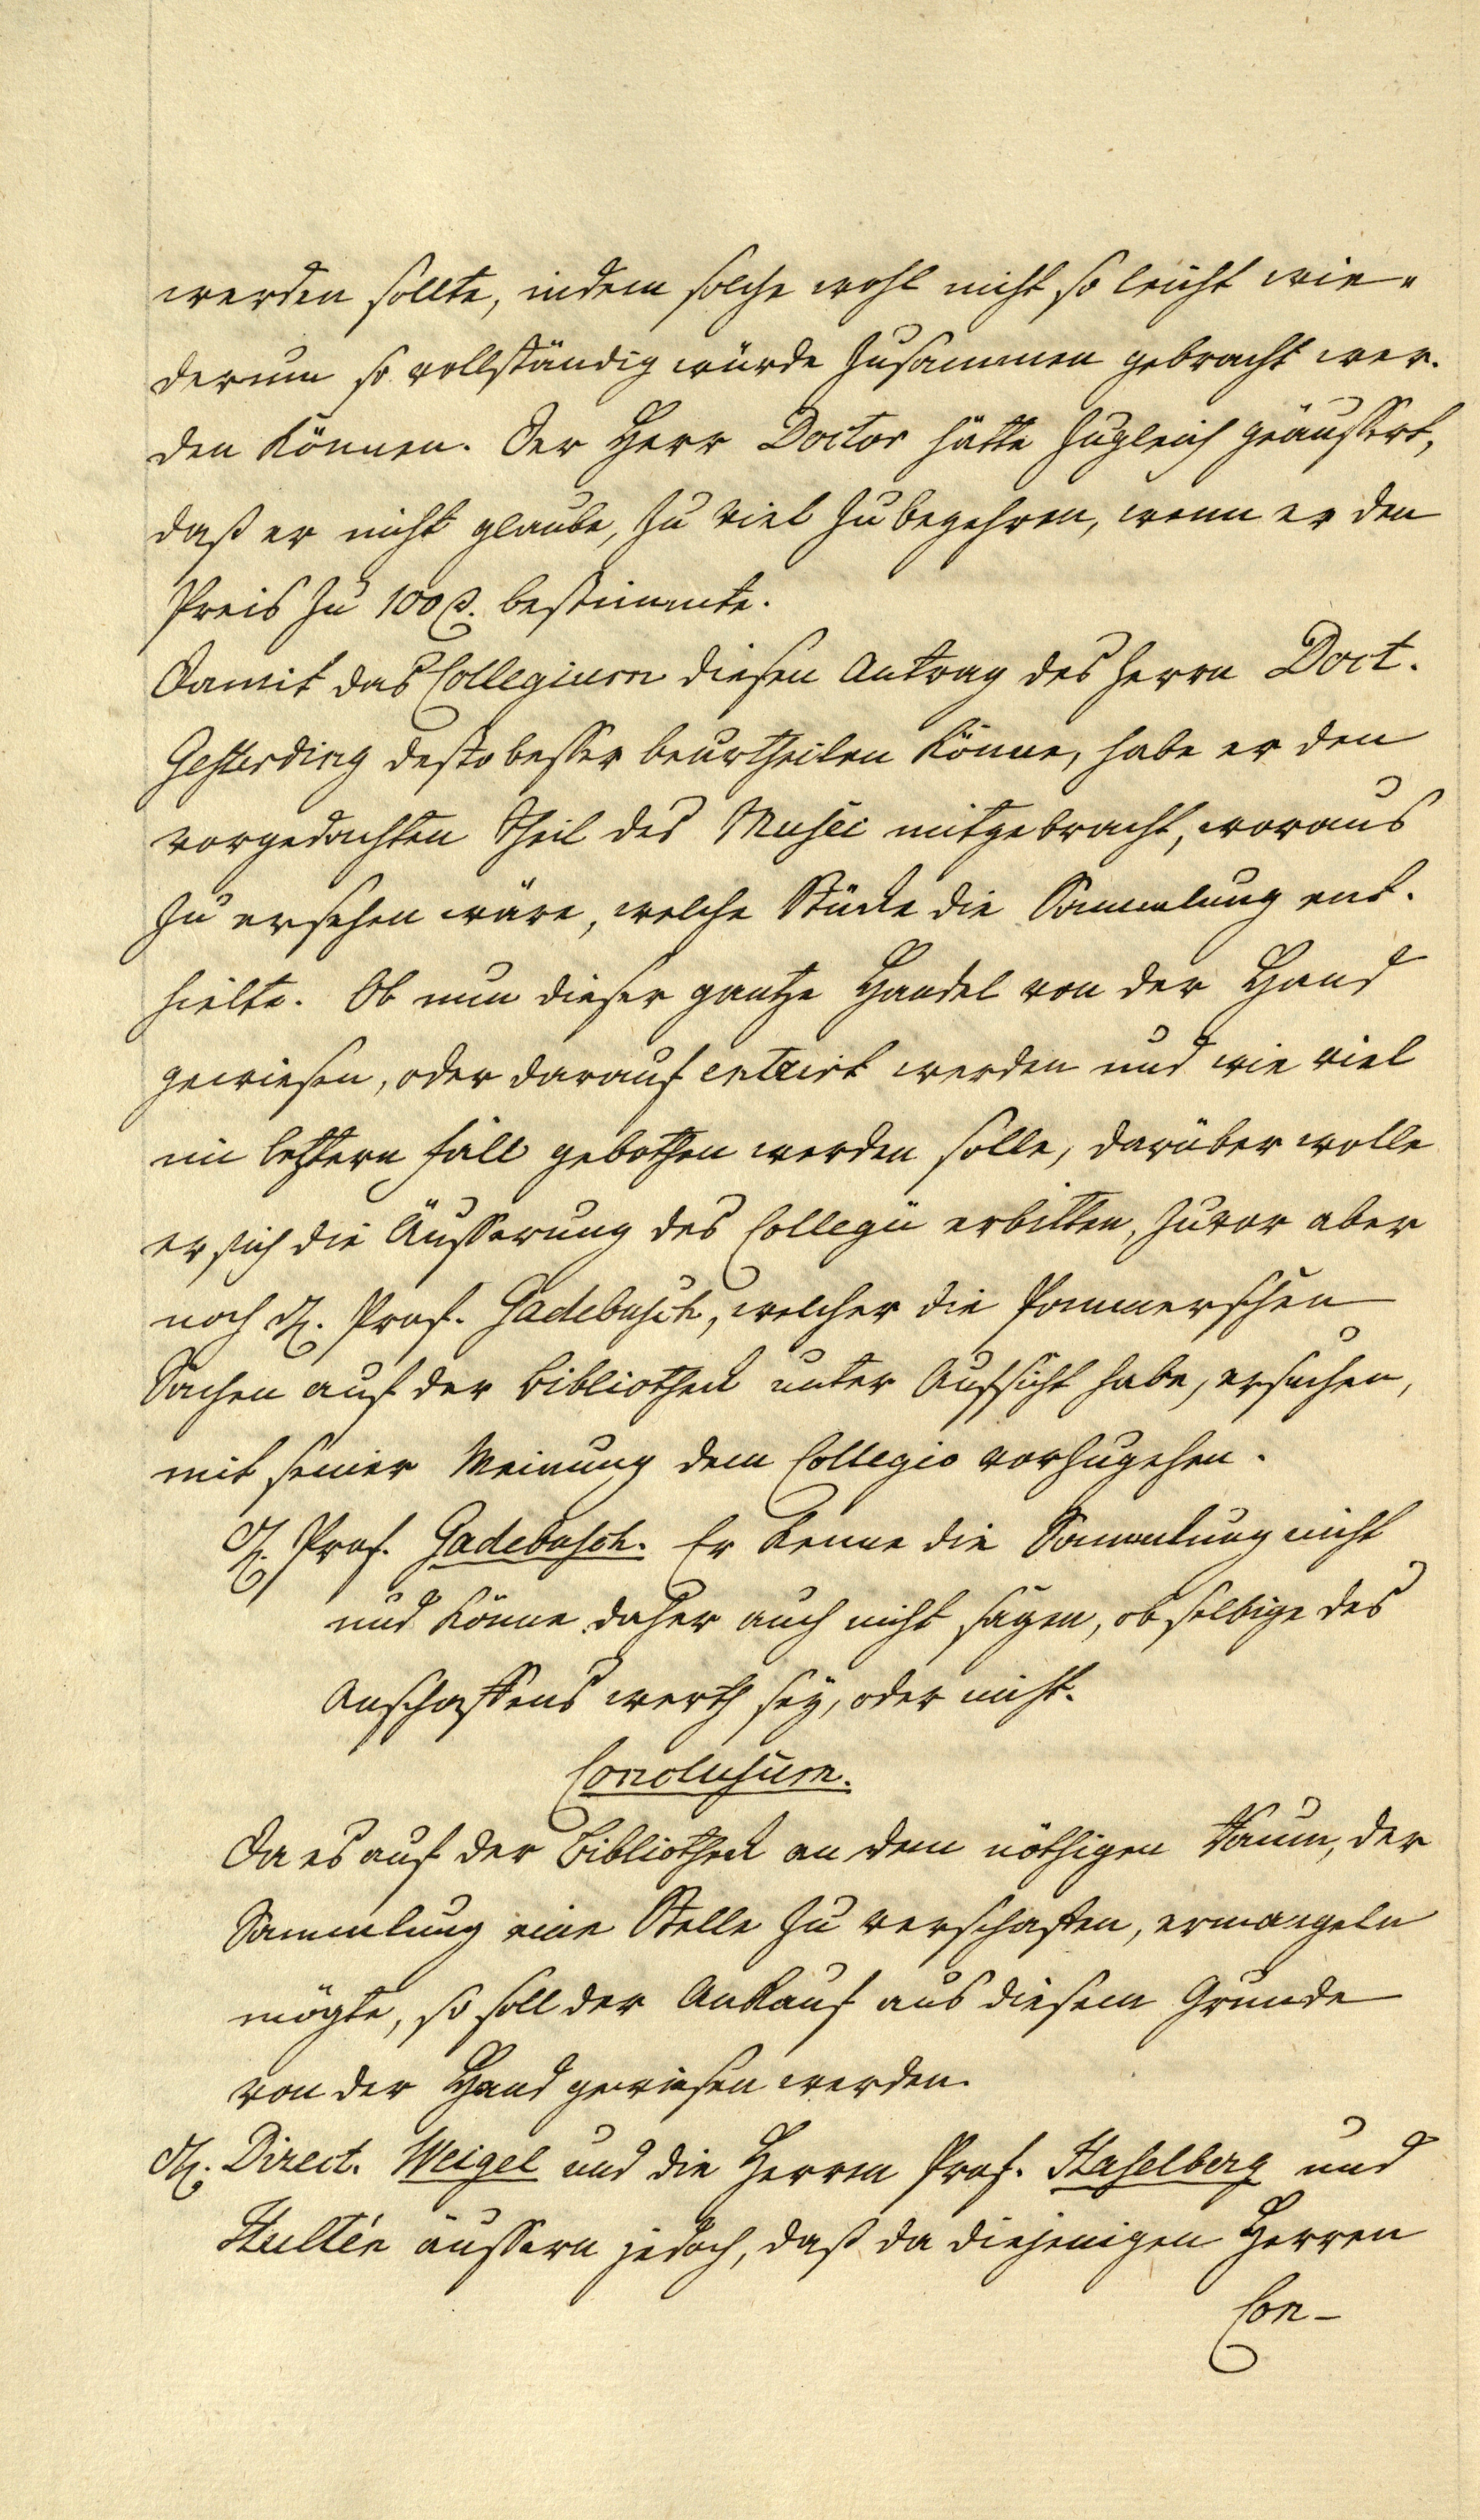werden sollte, indem solche wohl nicht so leicht wie-
derum so vollständig würde zusammen gebraucht wer-
den können. Der Herr Doctor hätte zugleich geäussert,
daß er nicht glaube, zu viel zu begehren, wenn er den
Preis zu 100 rtl bestimmte.
Damit das Collegium diesen Antrag des Herrn Doct.
Gesterding desto besser beurtheilen könne, habe er den
vergedachten Theil des Museo mitgebracht, woraus
zu ersehen wäre, welche Stücke die Sammlung ent-
hielte. Ob nun dieser gantze Handel von der Hand
gewiesen, oder darauf entrirt werden und wie viel
im letztern Fall gebothen werden solle, darüber wolle
er sich die Äusserung des Collegii erbitten, zuvor aber
noch dh. Prof. Gadebusch, welcher die Pommerschen
Sachen auf der Bibliothek unter Aufsicht habe, ersuchen
mit seiner Meinung dem Collegio vorzugehen.
dh. Prof. Gadebusch. Er kenne die Sammlung nicht
und könne daher auch nicht sagen, ob selbige des
Anschaffens werth sey, oder nicht.
Conclusum.
Da es auf der Bibliothek an dem nöthigen Raum, der
Sammlung eine Stelle zu verschaffen, ermangeln
mögte, so soll der Ankauf aus diesem Grunde
von der Hand gewiesen werden.
dh. Direct. Weigel und die Herren Prof. Haselberg und
Hultén äussern jedoch, daß da diejenigen Herren
Con-